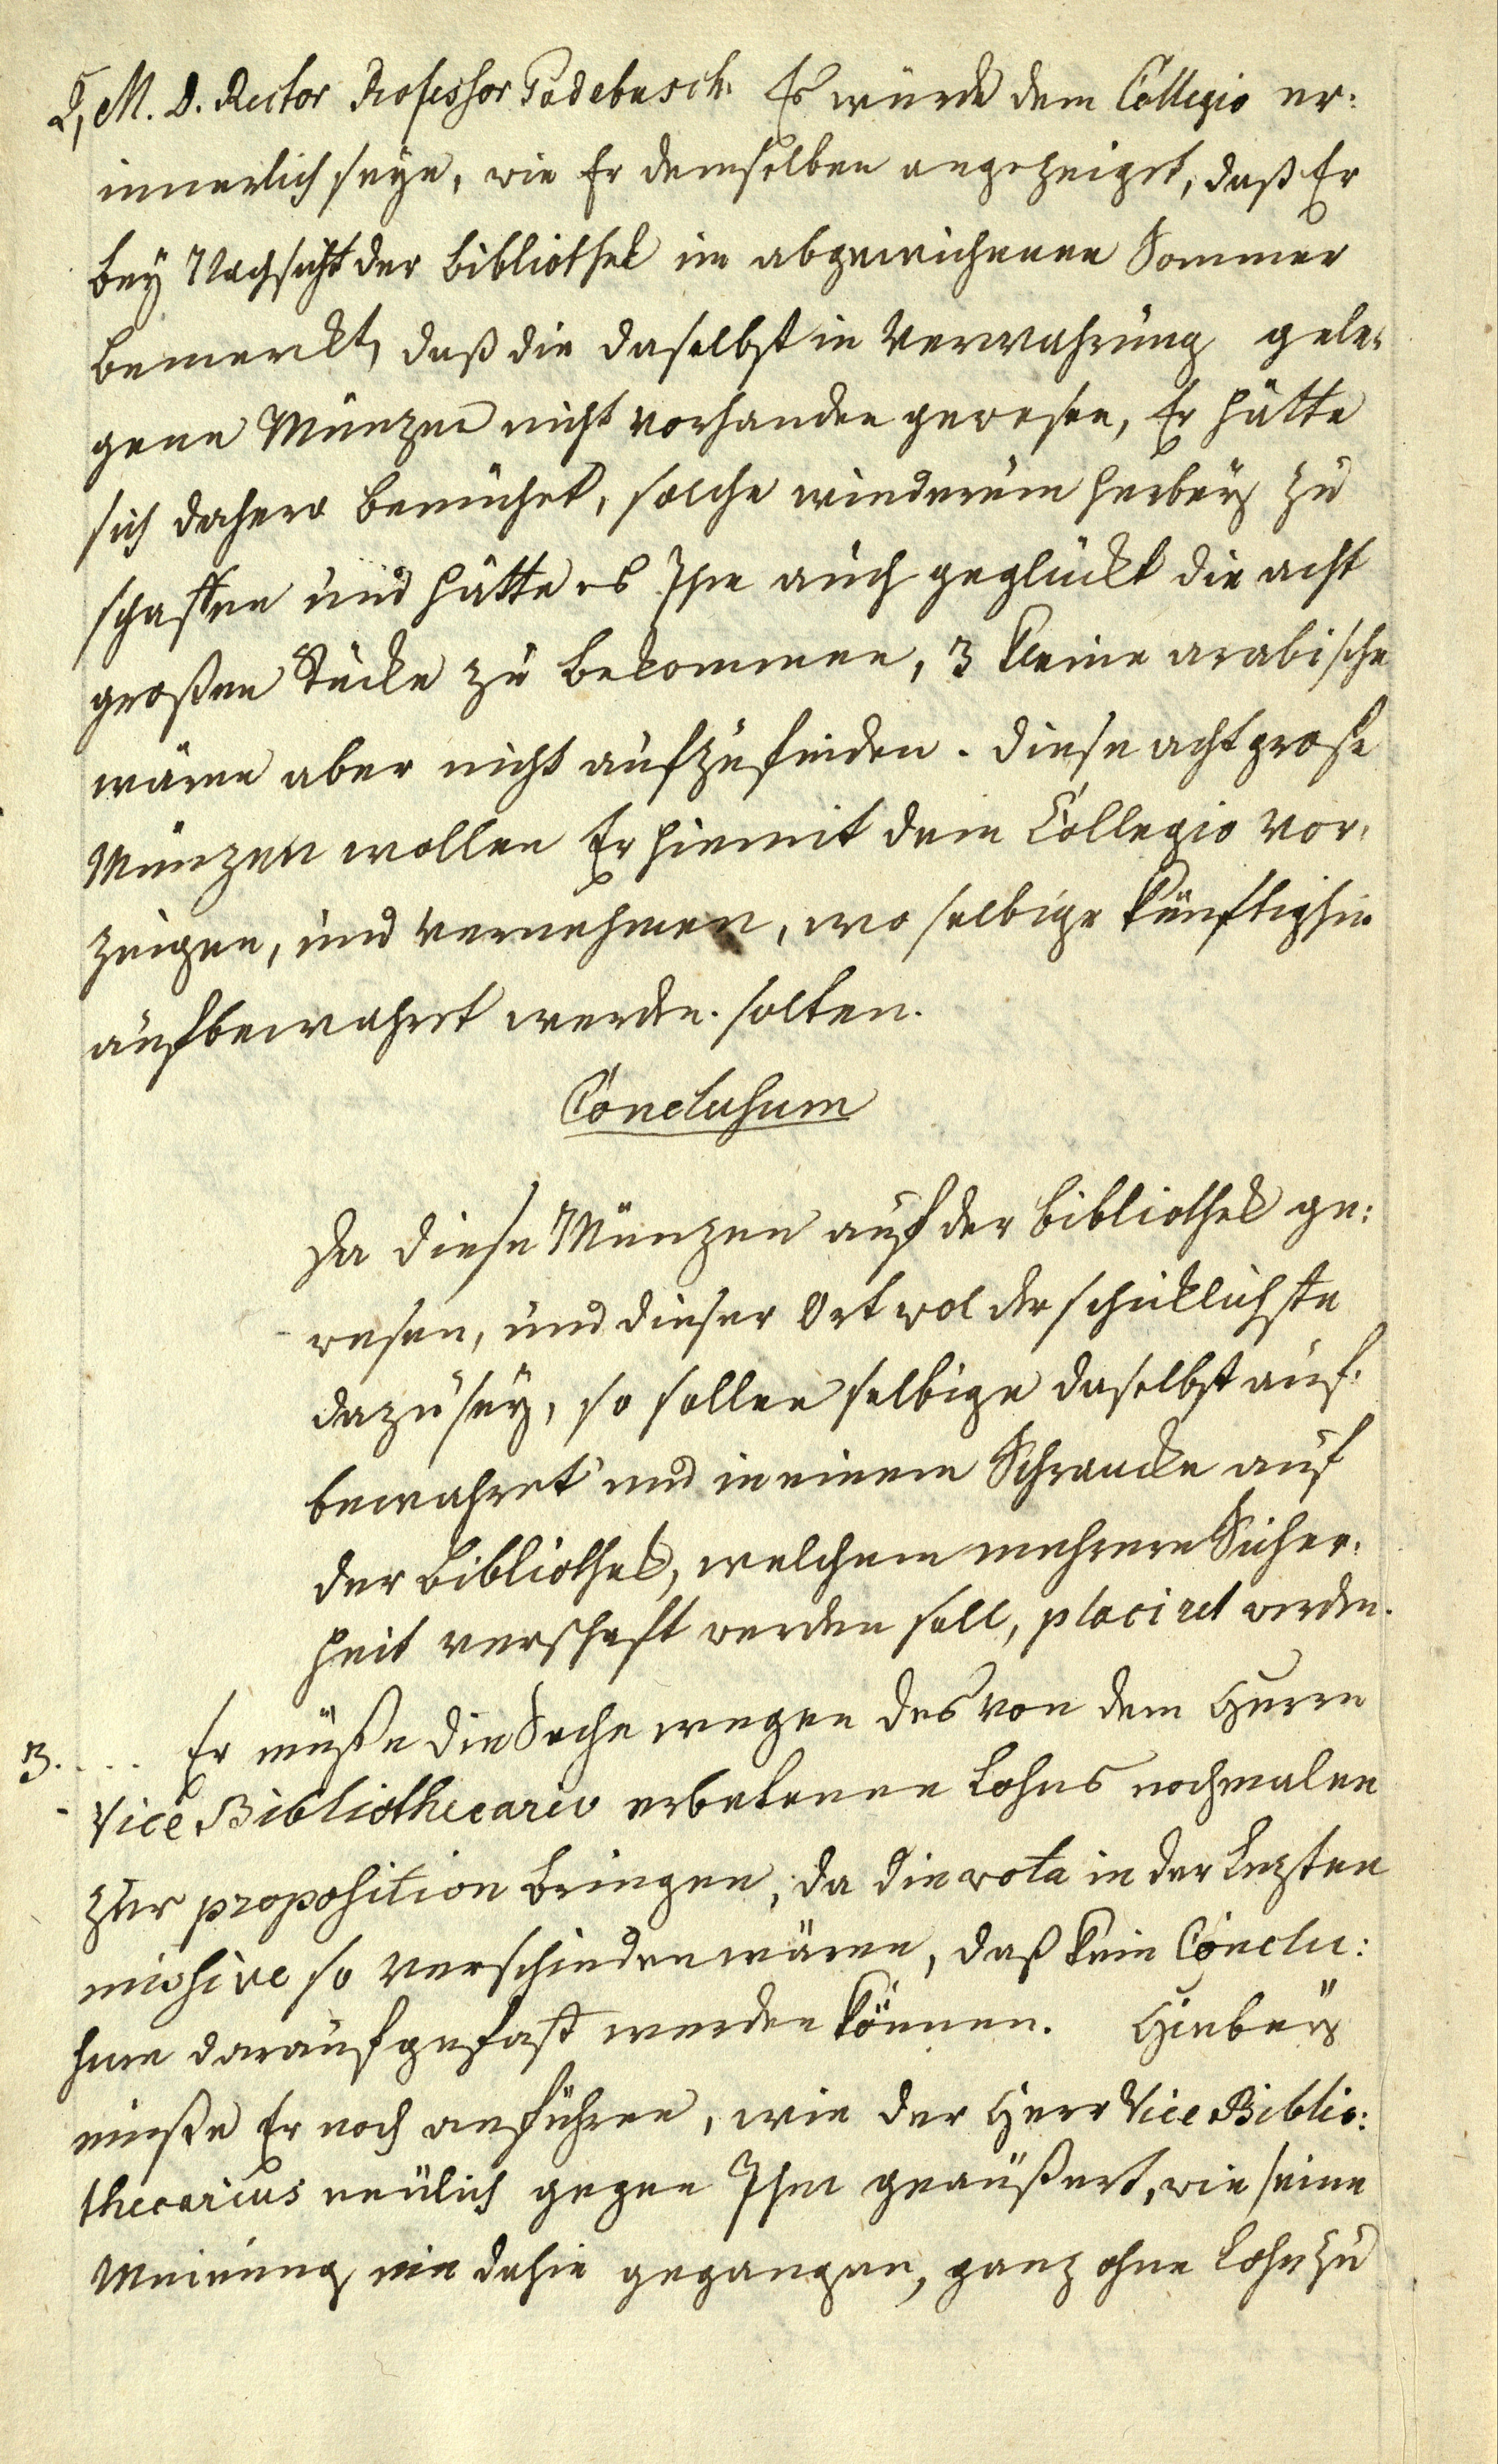2, M. D. Rector Professor Gadebusch. Es würde dem Collegio er¬
innerlich seÿn, wie Er demselben angezeiget, daß Er
beÿ Nachsicht der Bibliothek im abgewichenen Sommer
bemerckt, daß die daselbst in Verwahrung gele¬
gene Münzen nicht vorhanden gewesen, Er hätte
sich dahero bemühet, solche wiederum herbeÿ zu
schaffen und hätte es Ihm auch geglückt die acht
großen Stücke zu bekommen, 3 kleine arabische
wären aber nicht aufzufinden. diese acht große
Münzen wollen Er hiemit dem Collegio vor¬
zeigen, und vernehmen, wo selbige künftighin
aufbewahret werden solten.
Conclusum
Da diese Münzen auf der Bibliothek ge¬
wesen, und dieser Ort wol der schicklichste
dazu seÿ, so sollen selbige daselbst auf¬
bewahret und in einem Schrancke auf
der Bibliothek, welchem mehrere Sicher¬
heit verschaft werden soll, placiret werden.
3. Er müße dieSache wegen des von dem Herrn
Vice Bibliothecario erbetenen Lohns nochmalen
zur proposition bringen, da die vota in der lezten
missive so verschieden wären, daß kein Conclu¬
sum darauf gefast werden können. Hiebeÿ
müße Er noch anführen, wie der Herr Vice Biblio¬
thecarius neulich gegen Ihm geäußert, wie seine
Meinung nun dahin gegangen, ganz ohne Lohn zu